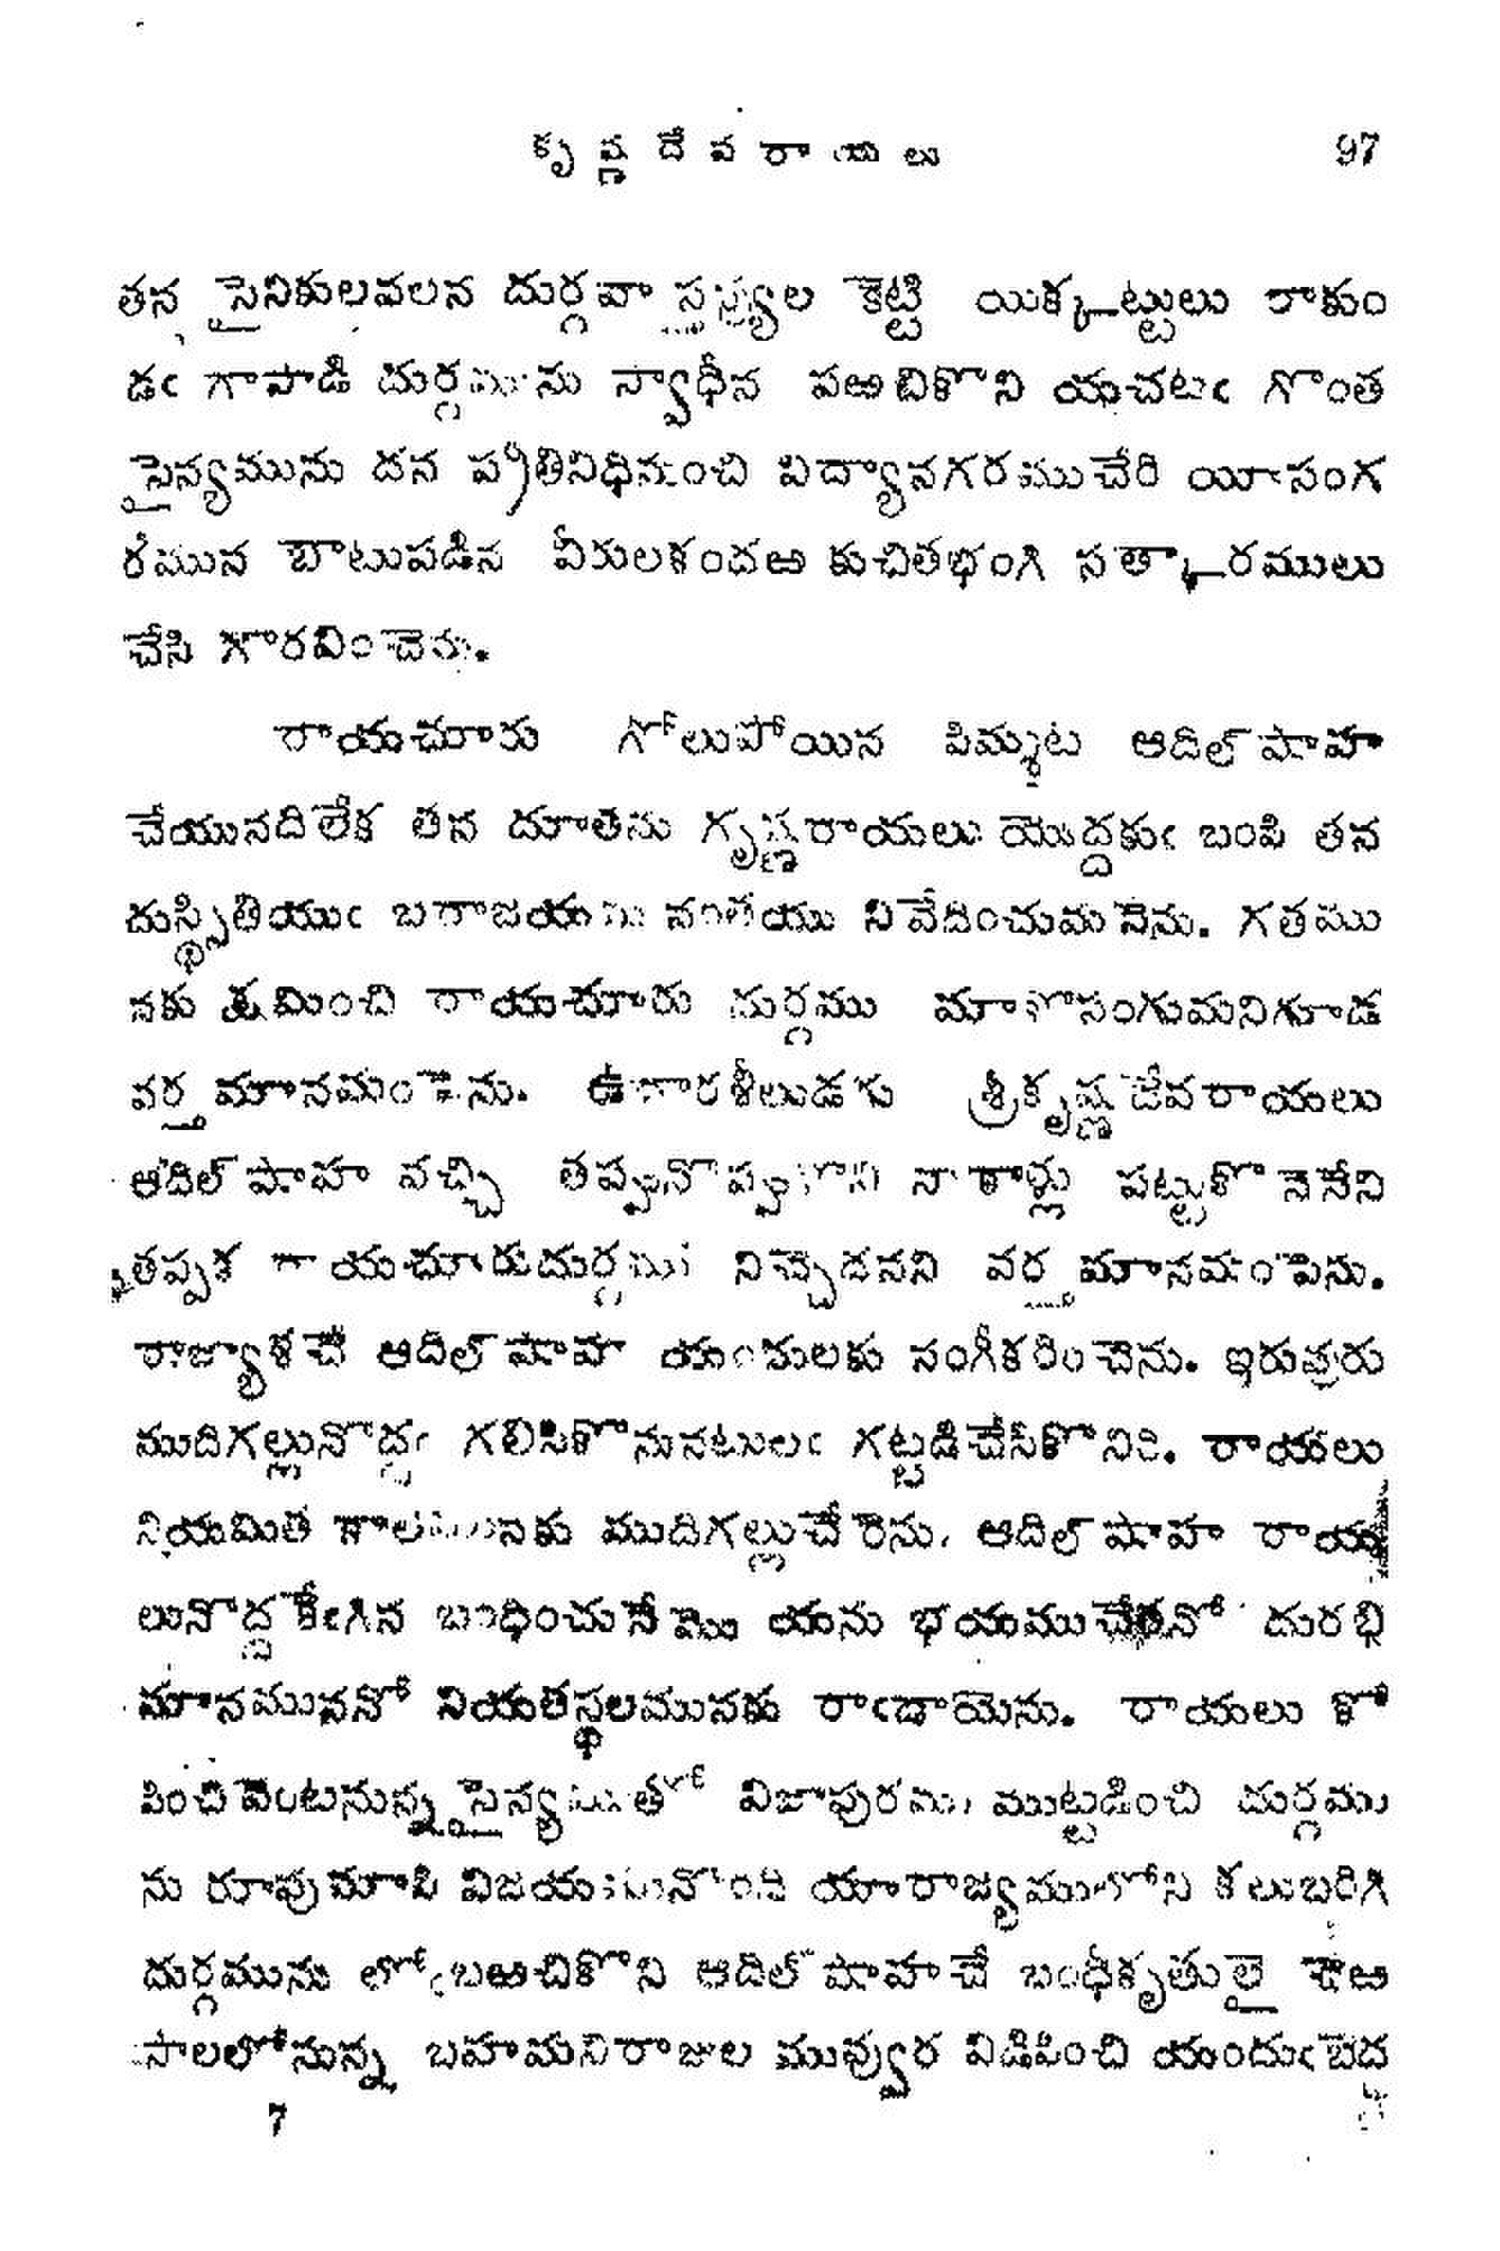తన సైనికులవలన దుర్గవాస్తవ్యుల కెట్టి యిక్కట్టులు రాకుండ గాపాడి దుర్గమును స్వాధీన పఱచికొని యచట గొంత సైన్యమును దన ప్రతినిధినుంచి విద్యానగరముచేరి యీసంగరమున బాటుపడిన వీరులకందఱ కుచితభంగి సత్కారములు చేసొ గౌరవించెను.

రాయచూరు గోలుపోయిన పిమ్మట ఆదిల్‌షాహ చేయునదిలేక తన దూతను గృష్ణరాయలు యొద్దకు బంపి తన దుస్థ్సితియు బరాజయమ నంతయు నివేదించుమనెను. గతమునకు క్షమించి రాయచూరు దుర్గము మాకొసంగుమని గూడ వర్తమానమంపెను. ఉదారశీలుడగు శ్రీకృష్ణదేవరాయలు ఆదిల్‌షాహ వచ్చి తప్పునొప్పుకొని నాకాళ్లు పట్టుకొనెనేని తప్పక రాయచూరుదుర్గము నిచ్చెదనని వర్తమానమంపెను. రాజ్యాశచే ఆదిల్‌షాహ యందులకు నంగీకరించెను. ఇరువురు ముదిగల్లునొద్ద గలిసికొనునటుల గట్టడిచేసికొనిరి. రాయలు నియమిత కాలమునకు ముదిగల్లుచేరెను. ఆదిల్‌షాహ రాయలునొద్దకేగిన బంధించునేమొ యను భయముచేతనో దురభిమానముననో నియతస్థలమునకు రాడాయెను. రాయలు కోపించి వెంటనున్నసైన్యముతో విజాపురము ముట్టడించి దుర్గమును రూపుమాపి విజయమునొంది యారాజ్యములోని కలుబరిగి దుర్గమును లోబఱచికొని ఆదిల్‌షాహచే బంధీకృతులై చెఱసాలలోనున్న బహమనిరాజుల మువ్వుర విడిపించి యందుబెద